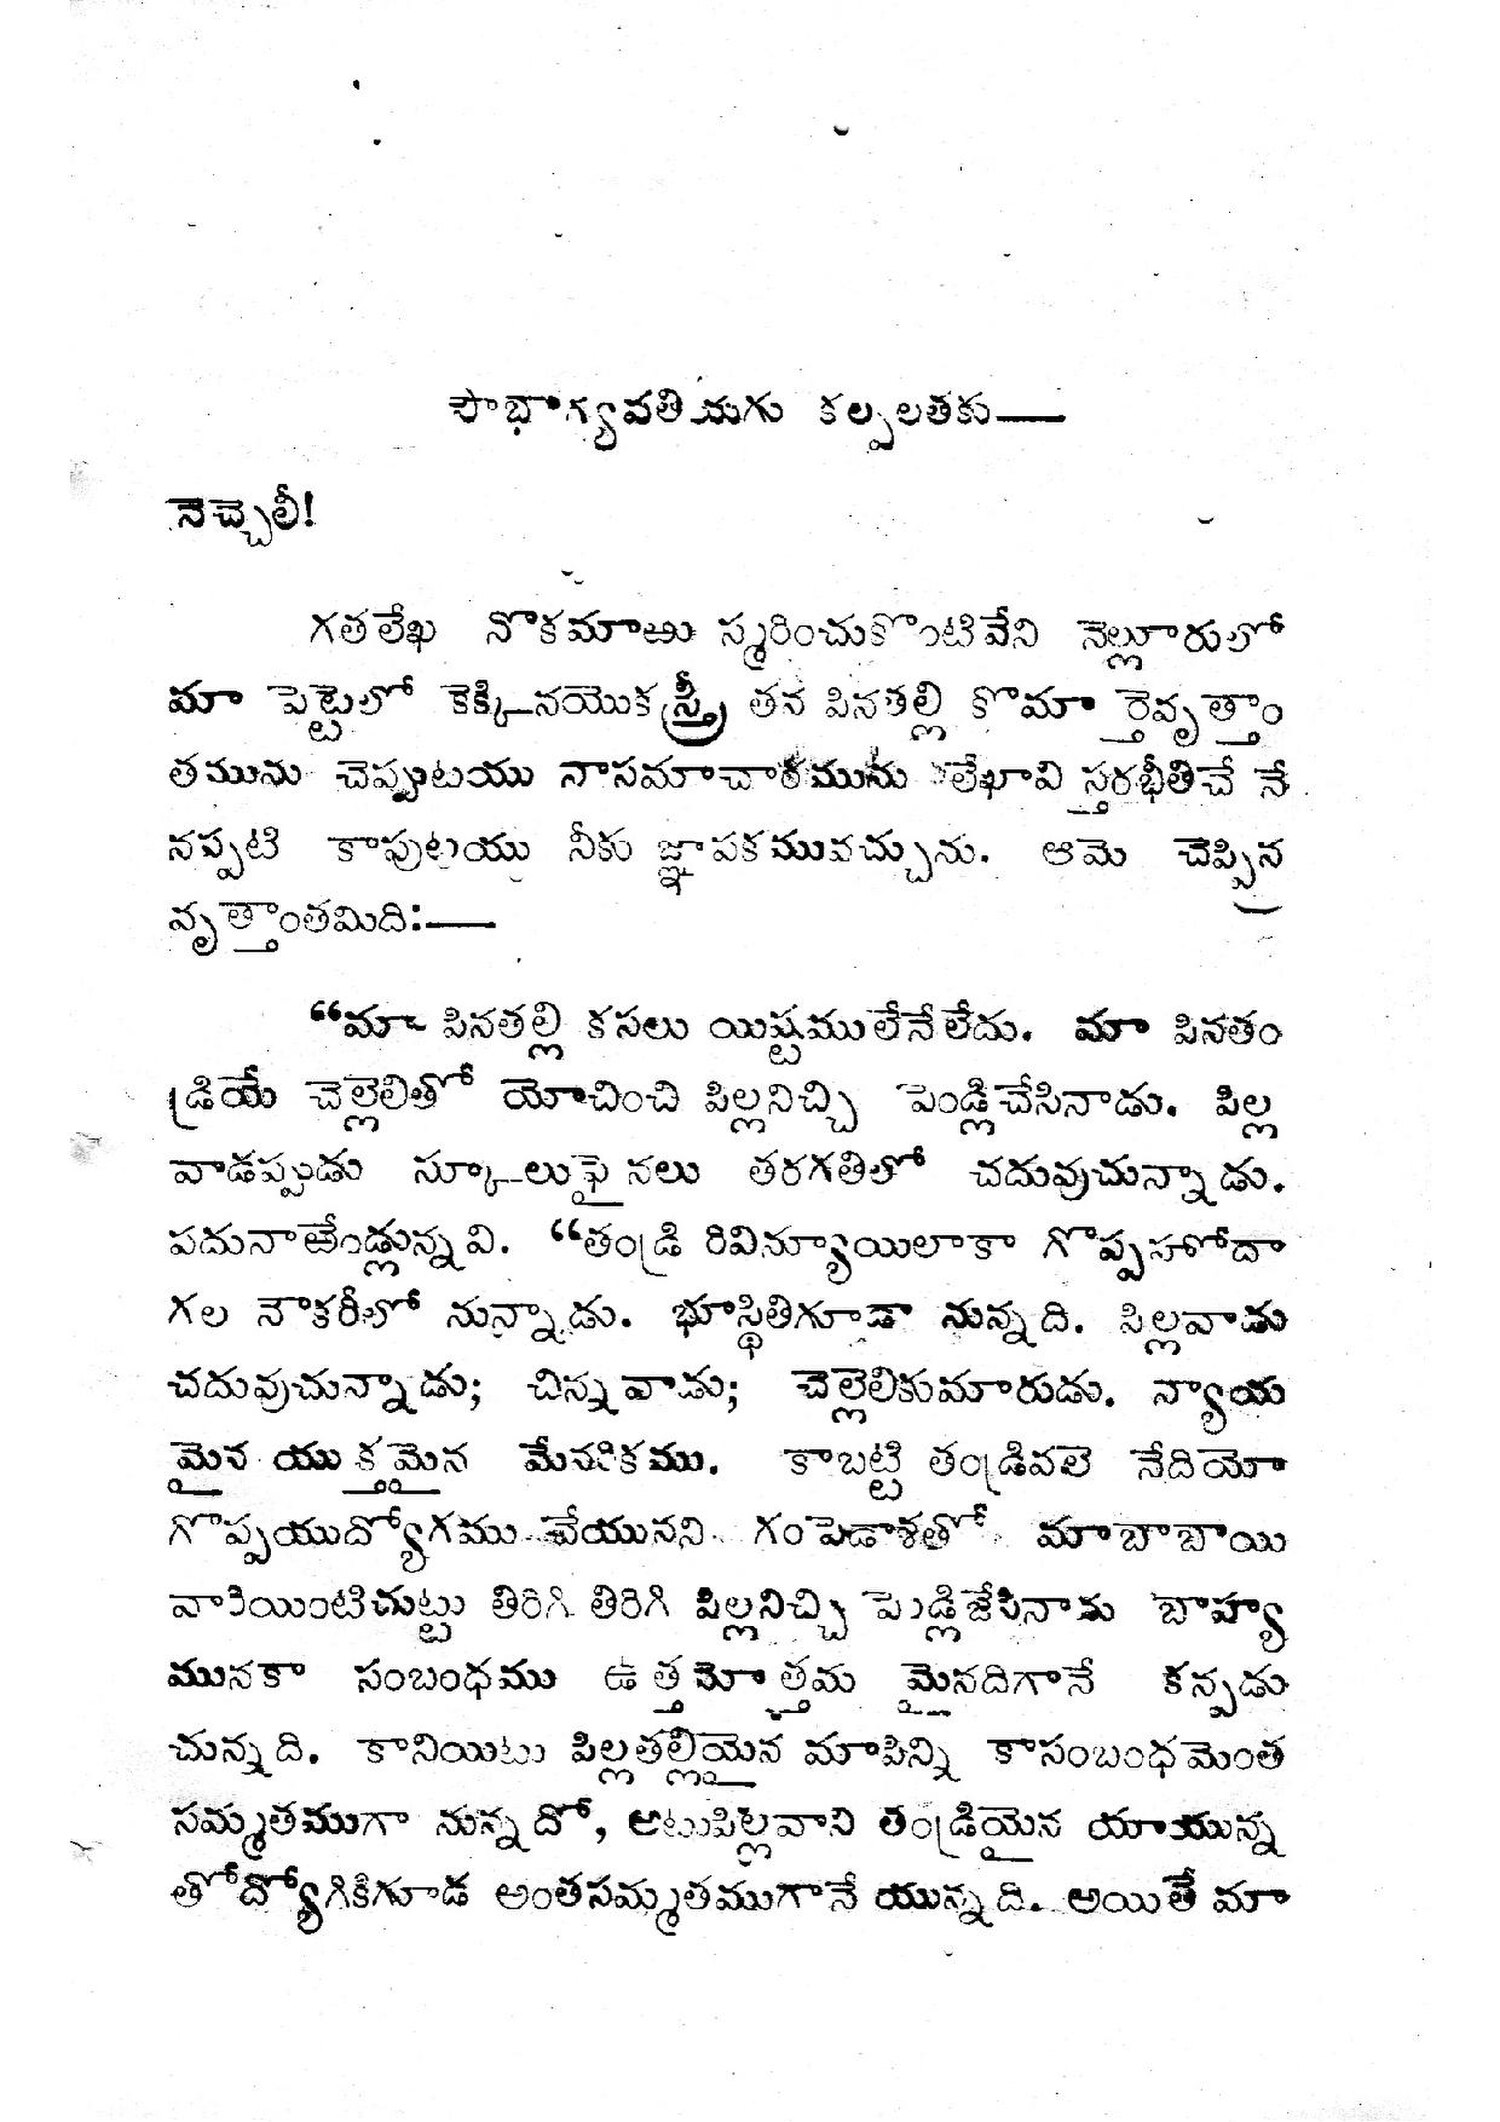సౌభాగ్యవతియగు కల్పలతకు —

నెచ్చెలీ!

గతలేఖ నొకమాఱు స్మరించుకొంటివేని నెల్లూరులో మా పెట్టెలో కెక్కినయొకస్త్రీ తన పినతల్లి కొమార్తెవృత్తాంతమును చెప్పుటయు నాసమాచారమును లేఖావిస్తరభీతిచే నే నప్పటి కాపుటయు నీకు 
జ్ఞాపకమువచ్చును. ఆమె చెప్పిన వృత్తాంతమిది: -

“మా పినతల్లి కసలు యిష్టములేనేలేదు. మా పినతండ్రియే చెల్లెలితో యోచించి పిల్లనిచ్చి పెండ్లిచేసినాడు. పిల్లవాడప్పుడు స్కూలుఫైనలు తరగతిలో చదువుచున్నాడు. పదునాఱేండ్లున్నవి. “తండ్రి రివిన్యూయిలాకా గొప్పహోదా గల నౌకరీలో నున్నాడు. భూస్థితిగూడా నున్నది. పిల్లవాడు చదువుచున్నాడు; చిన్నవాడు; చెల్లెలికుమారుడు, న్యాయమైన యుక్తమైన మేనరికము. కాబట్టి తండ్రివలె నేదియో గొప్పయుద్యోగము చేయునని గంపెడాశతో, మాబాబాయి వారియింటిచుట్టు తిరిగి తిరిగి పిల్లనిచ్చి పెండ్లిజేసినాడు బాహ్య
మునకా సంబంధము ఉత్తమోత్తమ మైనదిగానే కన్పడుచున్నది. కానియిటు పిల్లతల్లియైన మాపిన్ని కాసంబంధమెంత సమ్మతముగా నున్నదో, అటుపిల్లవాని తండ్రియైన యాయున్నతోద్యోగికిగూడ అంతసమ్మతముగానే యున్నది. అయితే మా